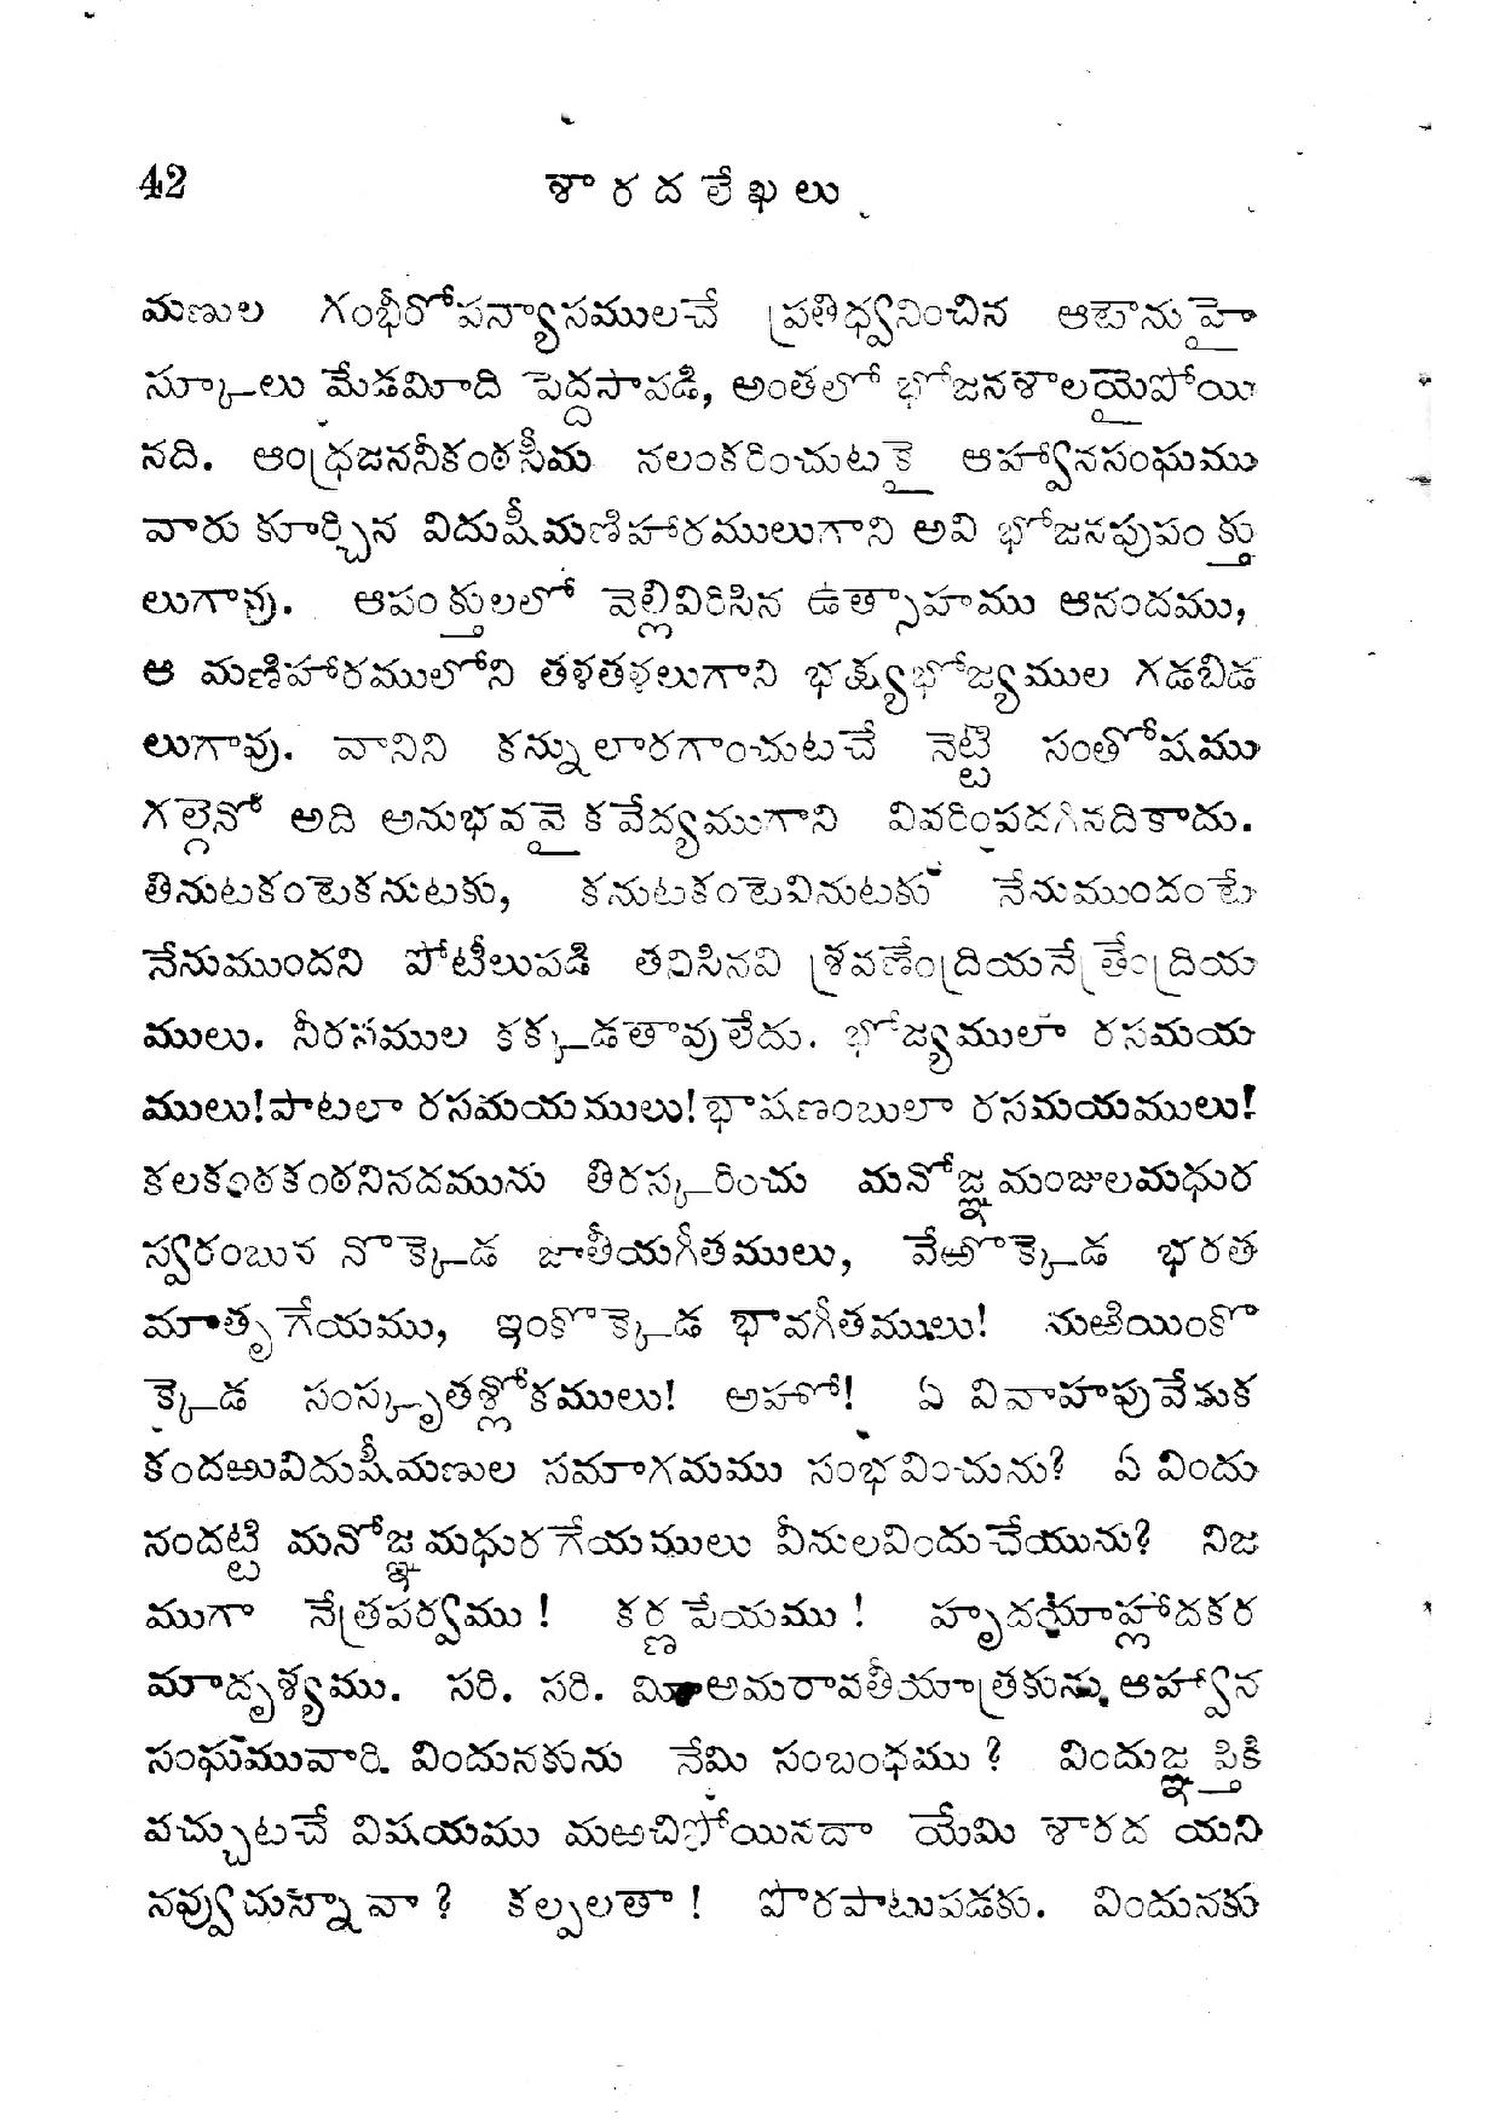మణుల గంభీరోపన్యాసములచే ప్రతిధ్వనించిన ఆటౌను హై
స్కూలు మేడమీది పెద్దసావడి, అంతలో భోజనశాలయైపోయి
నది. ఆంధ్రజననీకంఠ సీమ నలంకరించుటకై ఆహ్వాన సంఘము
వారు కూర్చిన విదుషీ మణిహారములుగాని అవి భోజనపుపంక్తు
లుగావు. ఆపంక్తులలో వెల్లివిరిసిన ఉత్సాహము ఆనందము,
ఆ మణిహారములోని తళతళలుగాని భక్ష్యభోజ్యముల గడబిడ
లుగావు. వానిని కన్నులారగాంచుటచే నెట్టి సంతోషము
గల్గెనో అది అనుభవవైకవేద్యముగాని వివరింపదగినది కాదు.
తినుటకంటెకనుటకు, కనుటకంటె వినుటకు నేను ముందంటే
నేనుముందని పోటీలుపడి తనిసినవి శ్రవణేంద్రియనేత్రేంద్రియ
ములు. నీరసముల కక్కడతావులేదు. భోజ్యములా రసమయ
ములు!పాటలా రసమయములు! భాషణంబులా రసమయములు!
కలకంఠకంఠనినదమును తిరస్కరించు మనోజ్ఞ మంజులమధుర
స్వరంబున నొక్కెడ జాతీయగీతములు, వేఱక్కెడ భరత
మాతృగేయము, ఇంకొక్కెడ భావగీతములు! మఱియింకొ
క్కెడ సంస్కృతశ్లోకములు! అహో! ఏ వివాహపు వేడుక
కందఱువిదుషీమణుల సమాగమము సంభవించును? ఏ విందు
నందట్టి మనోజ్ఞ మధుర గేయములు వీనులవిందు చేయును? నిజ
ముగా నేత్రపర్వము ! కర్ణపేయము! హృదయాహ్లాదకర
మాదృశ్యము. సరి. సరి. మీ అమరావతీయాత్రకును ఆహ్వాన
సంఘమువారి విందునకును నేమి సంబంధము? విందుజ్ఞ ప్తికి
వచ్చుటచే విషయము మఱచిపోయినదా యేమి శారద యని
నవ్వుచున్నావా? కల్పలతా! పొరపాటుపడకు. విందునకు